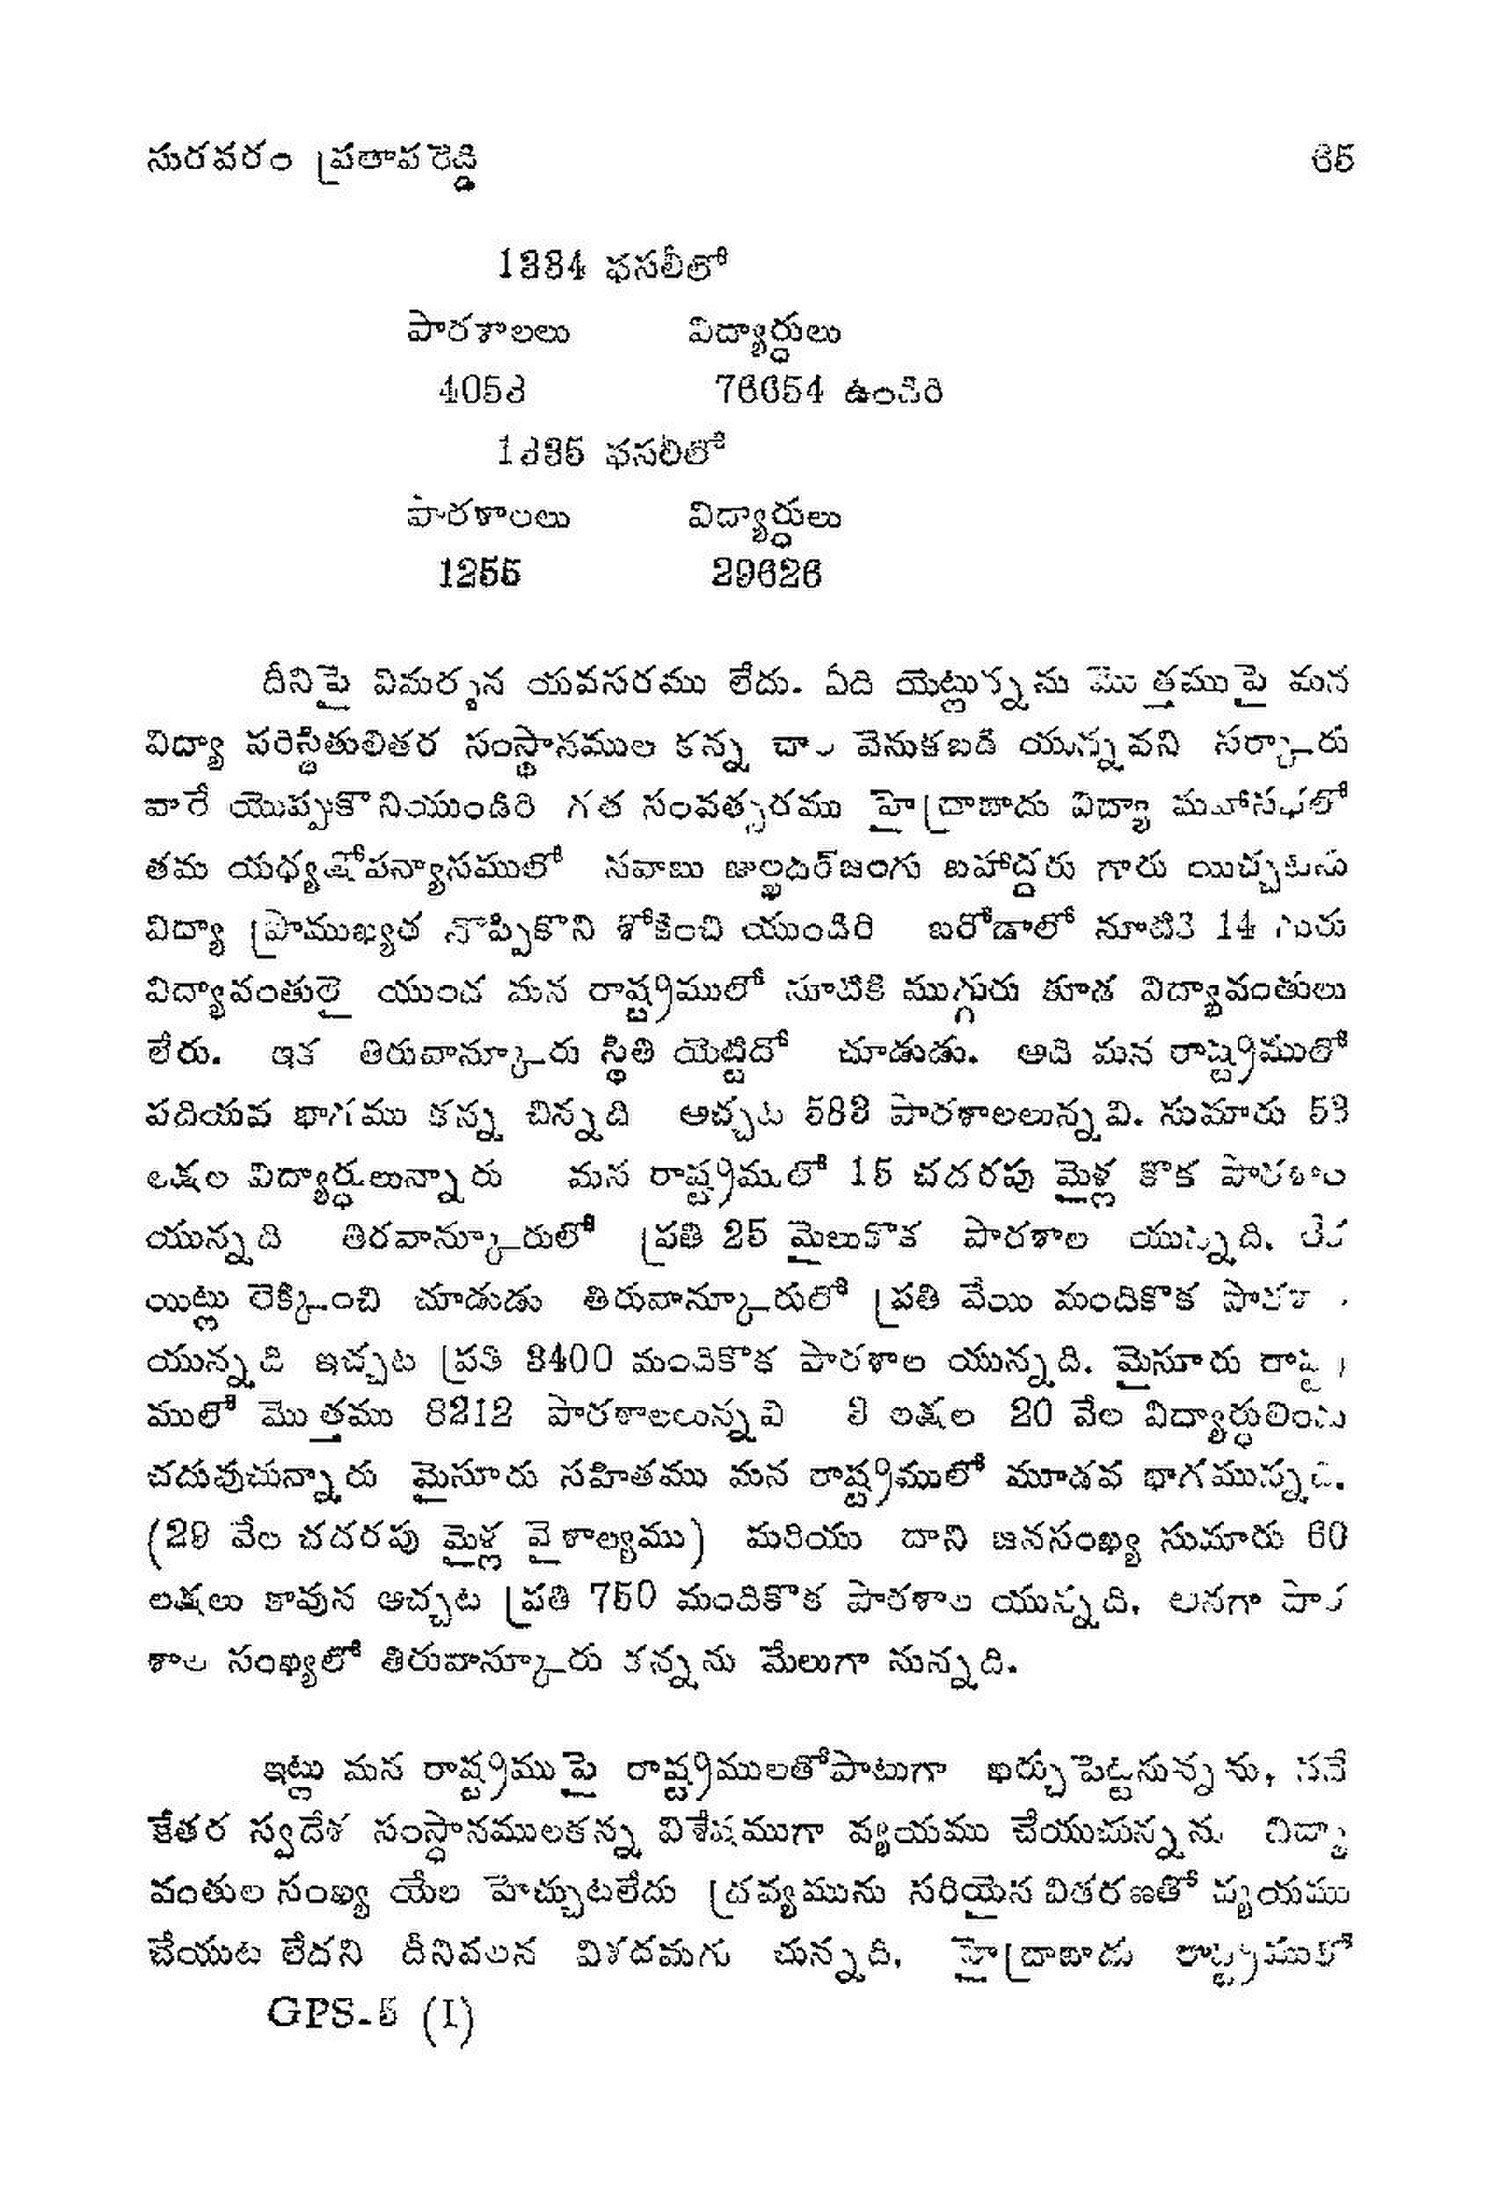1334 ఫసలీలో పాఠశాలలు విద్యార్ధులు - 4053 76654 ఉండిరి 1335 ఫసలీలో 1255 29626 ఉండిరి

దీనిపై విమర్శన యవసరము లేదు. ఏది యెట్లున్నను మొత్తముపై మన విద్యా పరిస్థితులితర సంస్థానముల కన్న చాల వెనుకబడి యున్నవని సర్కారువారే యొప్పుకొనియుండిరి గత సంవత్సరము హైద్రాబాదు విద్యా మహాసభలో
తమ యధ్యక్షోపన్యాసములో నవాబు జుల్ఘదర్‌జంగు బహాద్దరు గారు యిచ్చటను విద్యా ప్రాముఖ్యత నొప్పికొని శోకించి యుండిరి బరోడాలో నూటికి 14 గరు విద్యావంతులై యుండ మన రాష్ట్రములో నూటికి ముగ్గురు కూడ విద్యావంతులు లేరు. ఇక తిరువాన్కూరు స్థితి యెట్టిదో చూడుడు. అది మన రాష్ట్రములో పదియవ భాగము కన్న చిన్నది అచ్చట 583 పాఠశాలలున్నవి. సుమారు 53 లక్షల విద్యార్ధులున్నారు మన రాష్ట్రములో 15 చదరపు మైళ్ల కొక పాఠశాల యున్నది తిరువాన్కూరులో ప్రతి 25 మైలుకొక పాఠశాల యున్నది. లేక యిట్లు లెక్కించి చూడుడు తిరువాన్కూరులో ప్రతి వేయి మందికొక పాఠశాల యున్నది ఇచ్చట ప్రతి 3400 మందికొక పాఠశాల యున్నది. మైసూరు రాష్ట్రములో మొత్తము 8212 పాఠశాలలున్నవి 3 లక్షల 20 వేల విద్యార్థులిందు చదువుచున్నారు మైసూరు సహితము మన రాష్ట్రములో మూడవ భాగమున్నది. (29 వేల చదరపు మైళ్ల వైశాల్యము) మరియు దాని జనసంఖ్య సుమారు 60 లక్షలు కావున అచ్చట ప్రతి 750 మందికొక పాఠశాల యున్నది. అనగా పాఠశాల సంఖ్యలో తిరువాన్కూరు కన్నను మేలుగా నున్నది.

ఇట్లు మన రాష్ట్రముపై రాష్ట్రములతోపాటుగా ఖర్చు పెట్టనున్నను, నవే కేతర స్వదేశ సంస్థానములకన్న విశేషముగా వ్యయము చేయుచున్నను విద్యావంతుల సంఖ్య యేల హెచ్చుటలేదు ద్రవ్యమును సరియైన వితరణతో వ్యయము
చేయుట లేదని దీనివలన విశదమగు చున్నది. హైద్రాబాదు రాష్ట్రములో